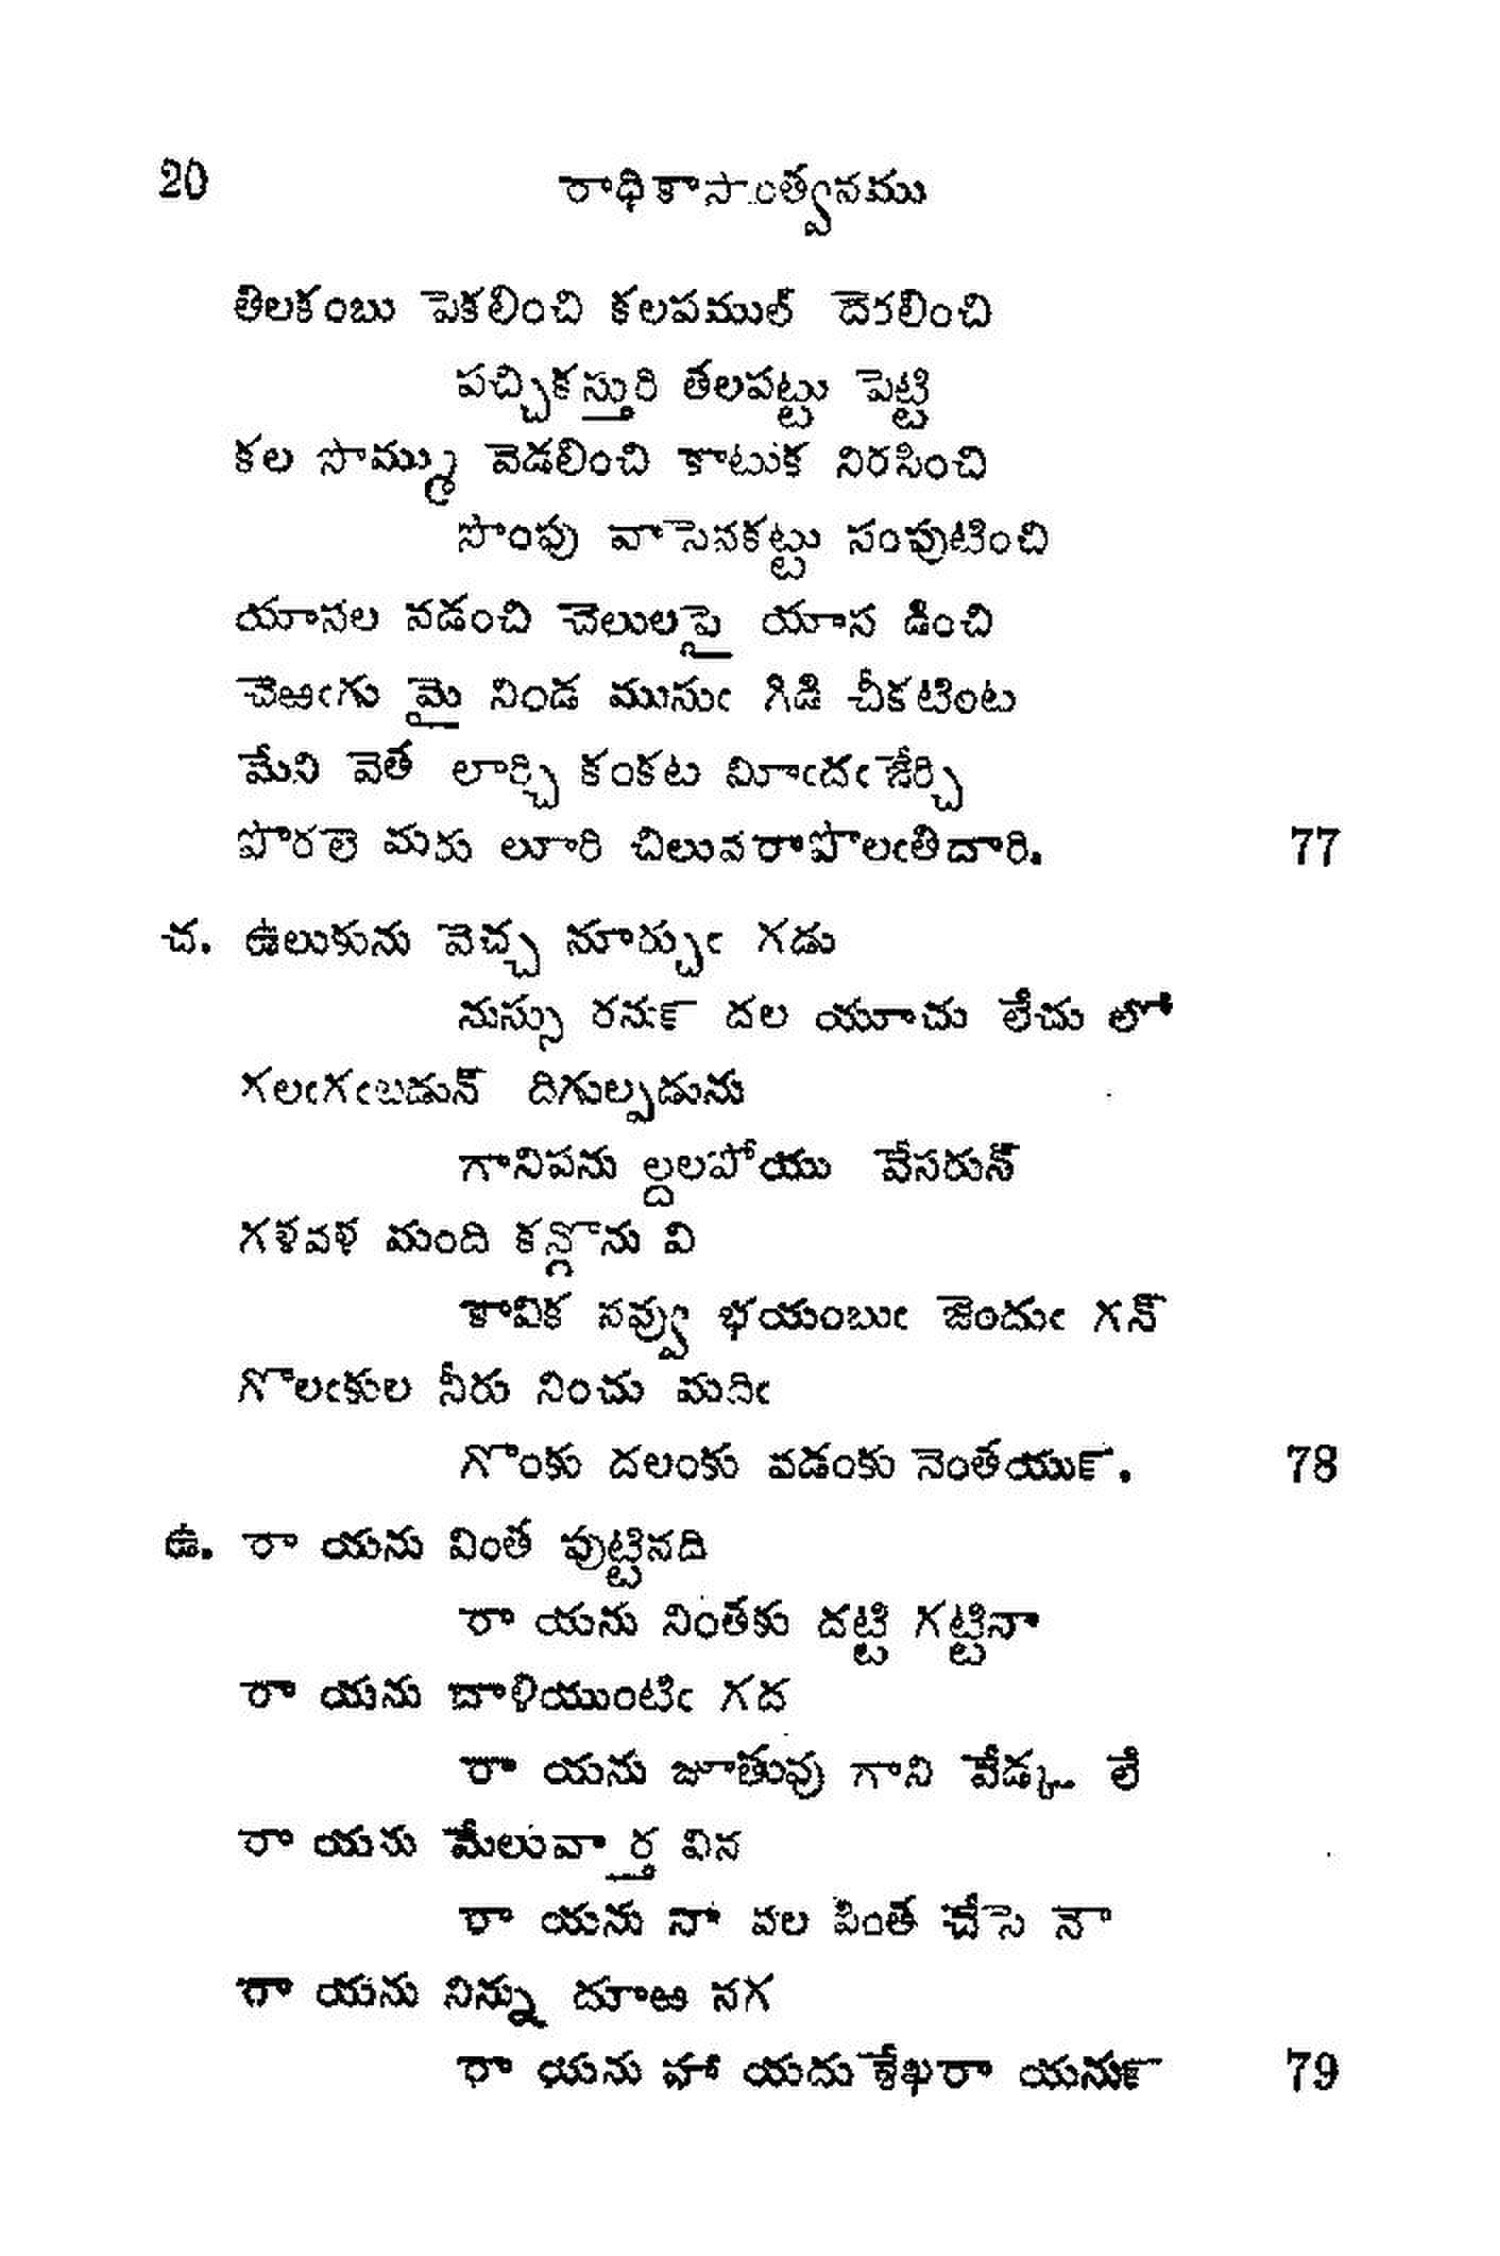తిలకంబు పెకలించి కలపముల్ దెరలించి
పచ్చికస్తురి తలపట్టు పెట్టి
కల సొమ్ము వెడలించి కాటుక నిరసించి
సొంపు వాసెనకట్టు సంపుటించి
యాసల నడంచి చెలులపై యాస డించి
చెఱఁగు మై నిండ ముసుఁ గిడి చీకటింట
మేని వెత లార్చి కంకట మీఁదఁ జేర్చి
పొరలె మరు లూరి చిలువరాపొలఁతిదారి. 77

చ. ఉలుకును వెచ్చ నూర్చుఁ గడునుస్సు రనున్ దల యూచు లేచు లో
గలఁగఁబడున్ దిగుల్పడును గానిపను ల్దలపోయు వేసరున్
గళవళ మంది కన్గొను వికావిక నవ్వు భయంబుఁ జెందుఁ గన్
గొలఁకుల నీరు నించు మదిఁ గొంకు దలంకు వడంకు నెంతయున్. 78

ఉ. రా యను వింత పుట్టినదిరా యను నింతకు దట్టి గట్టినా
రా యను దాళియుంటిఁ గదరా యను జూతువు గానీ వేడ్క లే
రా యను మేలువార్త వినరా యను నా వల వింత చేసె నౌ 
రా యను నిన్ను దూఱ నగరా యను హా యదుశేఖరా యనున్. 79